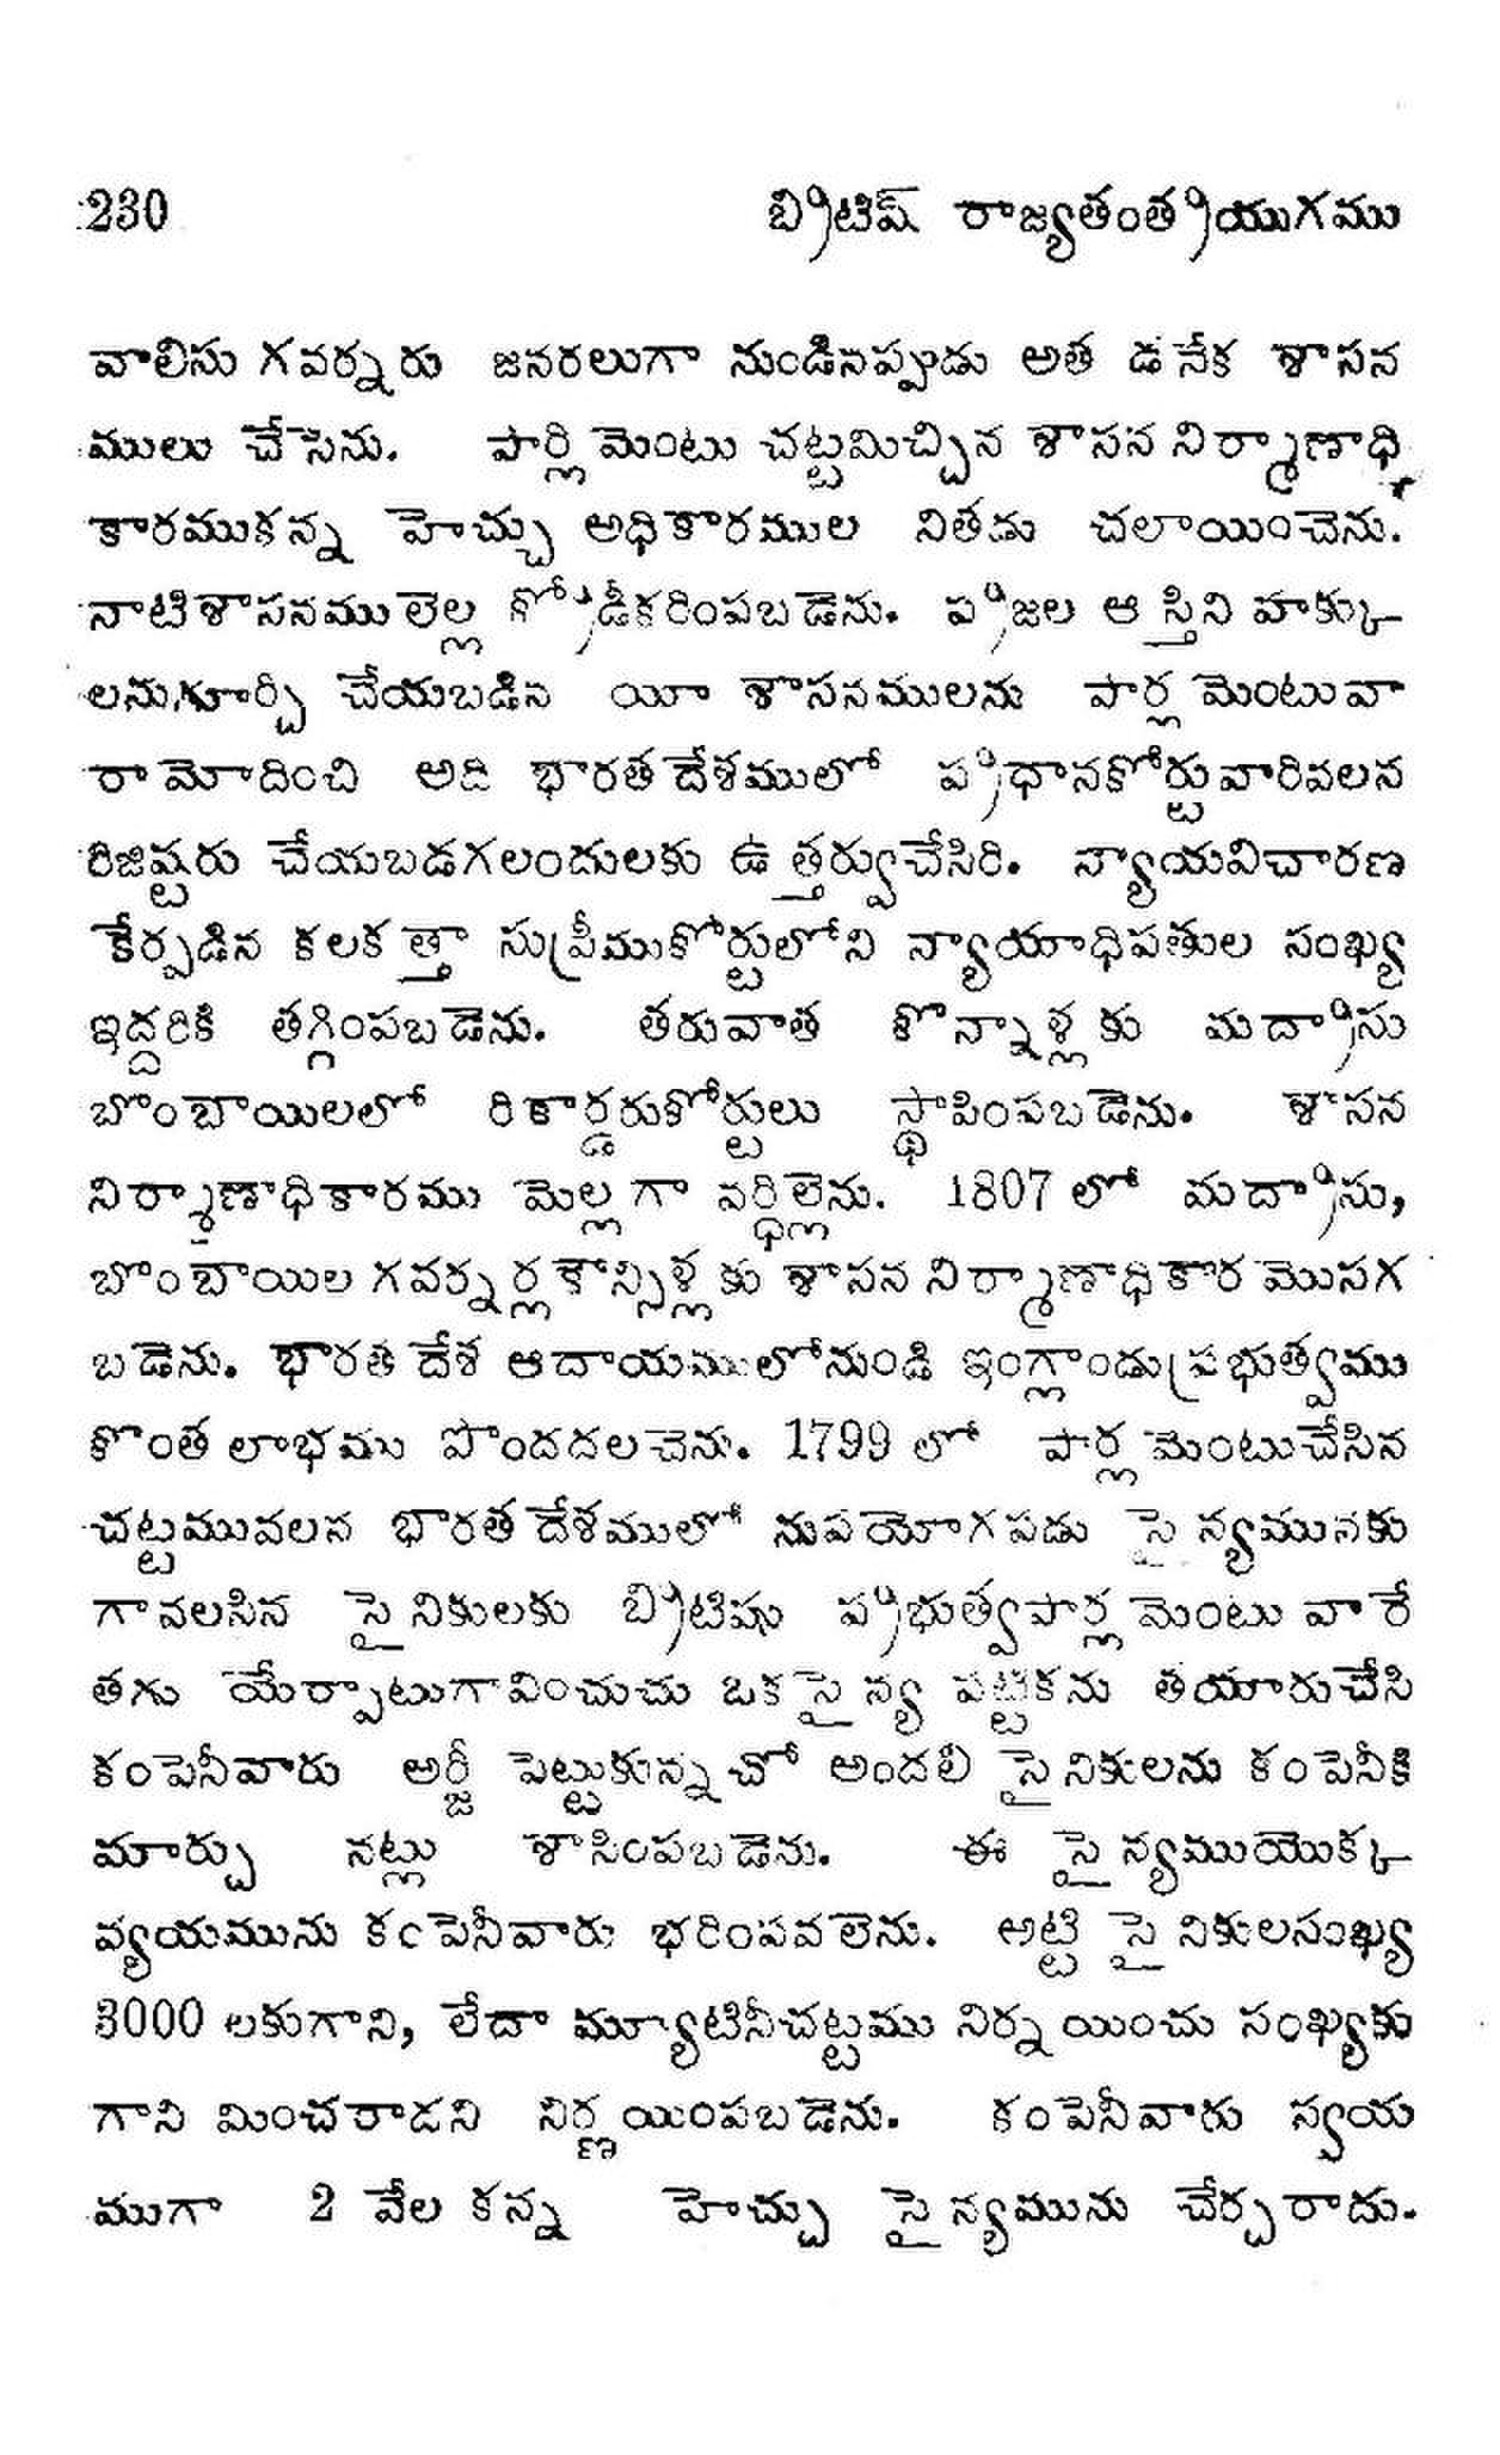వాలిసు గవర్నరు జనరలుగా నుండినప్పుడు అత డనేక శాసనములు చేసెను. పార్లిమెంటు చట్టమిచ్చిన శాసన నిర్మాణాధికారముకన్న హెచ్చు అధికారముల నితడు చలాయించెను. నాటిశాసనములెల్ల క్రోడీకరింపబడెను.ప్రజల ఆస్తిని హక్కులనుగూర్చి చేయబడిన యీ శాసనములను పార్లమెంటువా రామోదించి అది భారతదేశములో ప్రధానకోర్టువారివలన రిజిష్టరు చేయబడగలందులకు ఉత్తర్వుచేసిరి. న్యాయవిచారణ కేర్పడిన కలకత్తా సుప్రీముకోర్టులోని న్యాయాధిపతుల సంఖ్య ఇద్దరికి తగ్గింపబడెను. తరువాత కొన్నాళ్లకు మద్రాసు బొంబాయిలలో రికార్డరుకోర్టులు స్థాపింపబడెను. శాసన నిర్మాణాధికారము మెల్లగా వర్ధిల్లెను. 1807 లో మద్రాసు, బొంబాయిల గవర్నర్ల కౌన్సిళ్లకు శాసన నిర్మాణాధికార మొసగబడెను. భారతదేశ ఆదాయము.లోనుండి ఇంగ్లాండుప్రభుత్వము కొంతలాభము పొందదలచెను. 1799 లో పార్లమెంటుచేసిన చట్టమువలన భారతదేశములో సుపయోగపడు సైన్యమునకు గావలసిన సైనికులకు బ్రిటిషు ప్రభుత్వపార్లమెంటు వారే తగు యేర్పాటుగావించుచు ఒకసైన్య పట్టికను తయారుచేసి కంపెనీవారు అర్జీ పెట్టుకున్నచో అందలి సైనికులను కంపెనీకి మార్చు నట్లు శాసింపబడెను. ఈ సైన్యముయొక్క వ్యయమును కంపెనీవారు భరింపవలెను. అట్టి సైనికులసంఖ్య 3000 లకుగాని, లేదా మ్యూటినీచట్టము నిర్నయించు సంఖ్యకు గాని మించరాదని నిర్ణయింపబడెను. కంపెనీవారు స్వయముగా 2 వేల కన్న హెచ్చు సైన్యమును చేర్చరాదు.